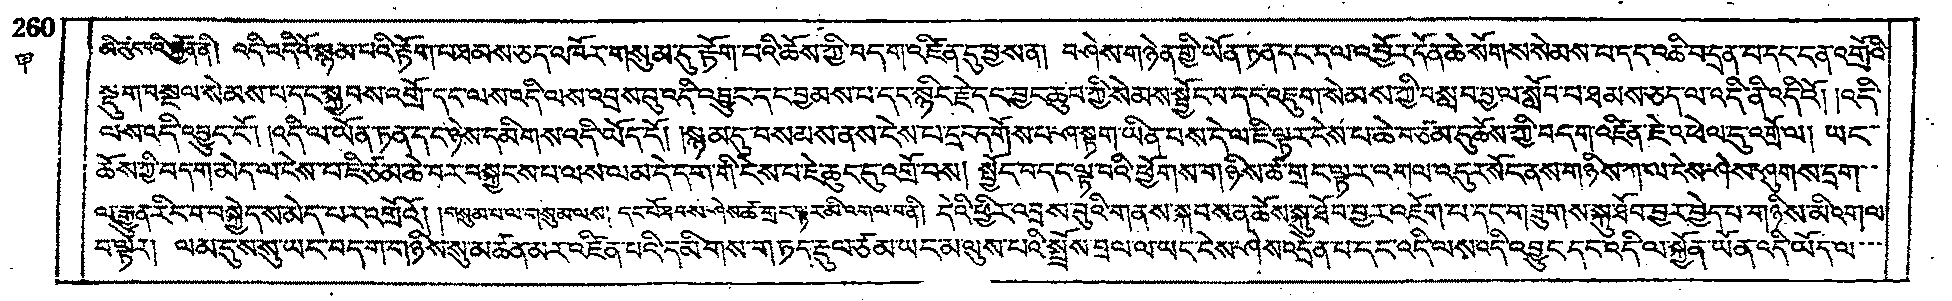མི་རུང་བའི་སྐྱོན་ནི། འདི་འདིའོ་སྙམ་པའི་རྟོག་པ་ཐམས་ཅད་འཁོར་གསུམ་དུ་རྟོག་པའི་ཆོས་ཀྱི་བདག་འཛིན་དུ་བྱས་ན། བཤེས་གཉེན་གྱི་ཡོན་ཏན་དང་དལ་འབྱོར་དོན་ཆེ་སོགས་སེམས་པ་དང་འཆི་བ་དྲན་པ་དང་ངན་འགྲོའི་
སྡུག་བསྔལ་སེམས་པ་དང་སྐྱབས་འགྲོ་དང་ལས་འདི་ལས་འབྲས་བུ་འདི་འབྱུང་དང་བྱམས་པ་དང་སྙིང་རྗེ་དང་བྱང་ཆུབ་ཀྱི་སེམས་སྦྱོང་བ་དང་འཇུག་སེམས་ཀྱི་བསླབ་བྱ་ལ་སློབ་པ་ཐམས་ཅད་ལ་འདི་ནི་འདིའོ། །འདི་
ལས་འདི་འབྱུང་ངོ། །འདི་ལ་ཡོན་ཏན་དང་ཉེས་དམིགས་འདི་ཡོད་དོ། །སྙམ་དུ་བསམས་ནས་ངེས་པ་དྲང་དགོས་པ་ཤ་སྟག་ཡིན་པས་དེ་ལ་ཇི་ལྟར་ངེས་པ་ཆེ་བ་ཙམ་དུ་ཆོས་ཀྱི་བདག་འཛིན་ཇེ་འཕེལ་དུ་འགྲོ་ལ། ཡང་
ཆོས་ཀྱི་བདག་མེད་ལ་ངེས་པ་ཇི་ཙམ་ཆེ་བར་བསྐྱངས་པ་ལས་ལམ་དེ་དག་གི་ངེས་པ་ཇེ་ཆུང་དུ་འགྲོ་བས། སྤྱོད་པ་དང་ལྟ་བའི་ཕྱོགས་གཉིས་ཚ་གྲང་ལྟར་འགལ་འདུར་སོང་ནས་གཉིས་ཀ་ལ་ངེས་ཤེས་ཤུགས་དྲག་
ལ་རྒྱུན་རིང་བ་བསྐྱེད་ས་མེད་པར་འགྲོའོ། །གསུམ་པ་ལ་གསུམ་ལས། དང་པོ་ཐབས་ཤེས་ཚ་གྲང་ལྟར་མི་འགལ་བ་ནི།  དེའི་ཕྱིར་འབྲས་བུའི་གནས་སྐབས་ན་ཆོས་སྐུ་ཐོབ་བྱར་འཇོག་པ་དང་གཟུགས་སྐུ་ཐོབ་བྱར་བྱེད་པ་གཉིས་མི་འགལ་
བ་ལྟར། ལམ་དུས་སུ་ཡང་བདག་གཉིས་སུ་མཚན་མར་འཛིན་པའི་དམིགས་གཏད་རྡུལ་ཙམ་ཡང་མ་ལུས་པའི་སྤྲོས་བྲལ་ལ་ཡང་ངེས་ཤེས་འདྲེན་པ་དང་འདི་ལས་འདི་འབྱུང་དང་འདི་ལ་སྐྱོན་ཡོན་འདི་ཡོད་ལ་